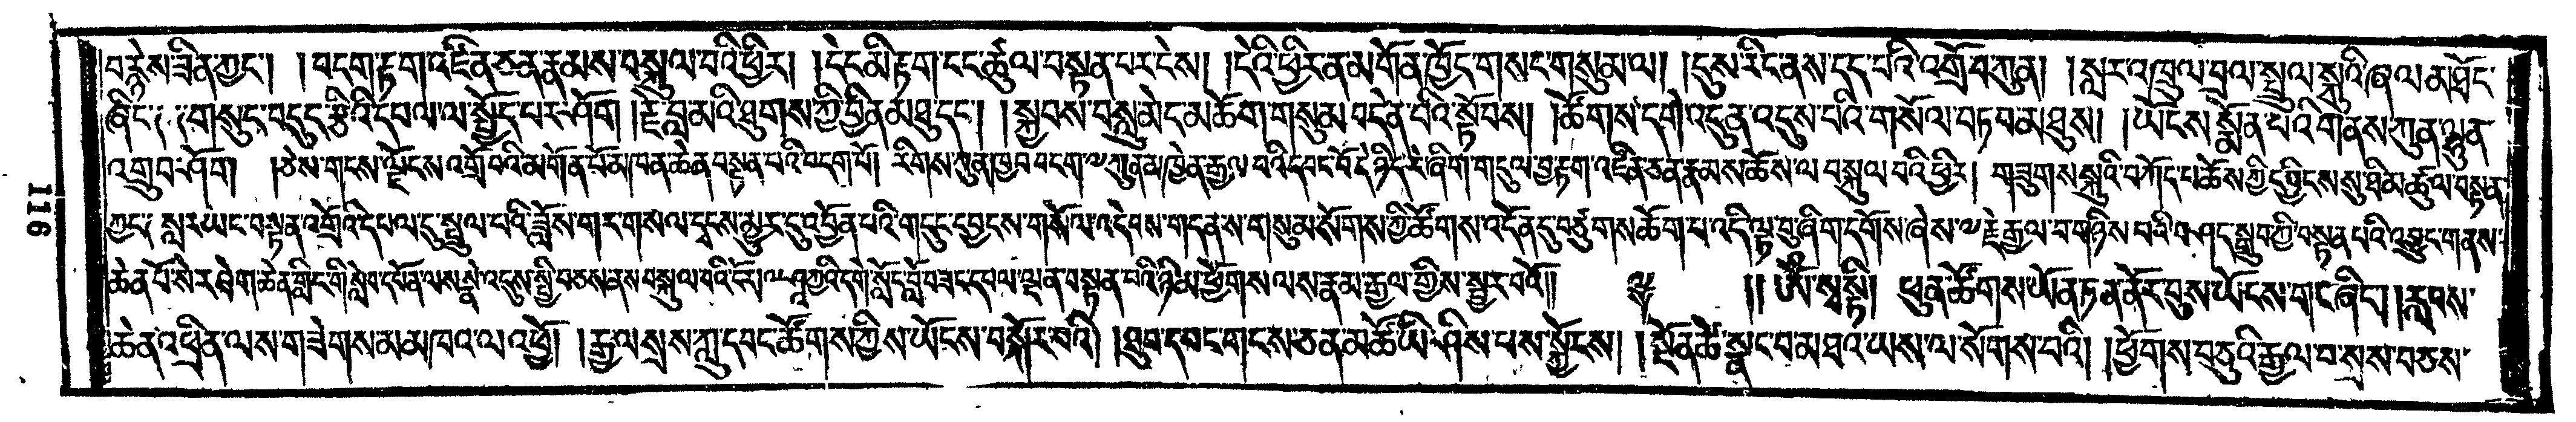བརྙེས་ཟིན་ཀྱང་། །བདག་རྟག་འཛིན་ཅན་རྣམས་བསྐུལ་བའི་ཕྱིར། །དེང་མི་རྟག་ངང་ཚུལ་བསྟན་པར་ངེས། །དེའི་ཕྱིར་ན་མགོན་ཁྱོད་གསང་གསུམ་ལ། །དུས་རིང་ནས་དད་པའི་འགྲོ་བ་ཀུན། །སླར་འཁྲུལ་བྲལ་སྤྲུལ་སྐུའི་ཞལ་མཐོང་
ཞིང༑ ༑གསུང་བདུད་རྩིའི་དཔལ་ལ་སྤྱོད་པར་ཤོག །རྗེ་བླ་མའི་ཐུགས་ཀྱི་བྱིན་མཐུ་དང་། །སྐྱབས་བསླུ་མེད་མཆོག་གསུམ་བདེན་པའི་སྟོབས། །ཚོགས་དགེ་འདུན་འདུས་པའི་གསོལ་བཏབ་མཐུས། །ཡོངས་སྨོན་པའི་གནས་ཀུན་ལྷུན་
འགྲུབ་ཤོག །ཅེས་གངས་ལྗོངས་འགྲོ་བའི་མགོན་པོ་མཁན་ཆེན་བསྟན་པའི་བདག་པོ། རིགས་ཀུན་ཁྱབ་བདག་༧་ཀུན་མཁྱེན་རྒྱལ་བའི་དབང་པོ་དེ་ཉིད་རེ་ཞིག་གདུལ་བྱ་རྟག་འཛིན་ཅན་རྣམས་ཆོས་ལ་བསྐུལ་བའི་ཕྱིར། གཟུགས་སྐུའི་བཀོད་པ་ཆོས་ཀྱི་དབྱིངས་སུ་ཐིམ་ཚུལ་བསྟན་
ཀྱང༑ སླར་ཡང་བསྟན་འགྲོའི་དཔལ་དུ་སྤྲུལ་པའི་ཟློས་གར་གསལ་དྭངས་མྱུར་དུ་འབྱོན་པའི་གདུང་དབྱངས་གསོལ་འདེབས་གདན་ས་གསུམ་སོགས་ཀྱི་ཚོགས་འདོན་དུ་བཙུགས་ཆོག་པ་འདི་ལྟ་བུ་ཞིག་དགོས་ཞེས་༧་རྗེ་རྒྱལ་བ་གཉིས་པའི་བཤད་སྒྲུབ་ཀྱི་བསྟན་པའི་འབྱུང་གནས་
ཆེན་པོ་སེར་ཐེག་ཆེན་གླིང་གི་སླེབ་དཔོན་ལས་སྣེ་འདུས་སྤྱི་བཅས་ནས་བསྐུལ་བའི་ངོར། ༧་ཤཱཀྱའི་དགེ་སློང་བློ་བཟང་དཔལ་ལྡན་བསྟན་པའི་ཉི་མ་ཕྱོགས་ལས་རྣམ་རྒྱལ་གྱིས་སྦྱར་བའོ།། ༈ །།ཨོཾ་སྭ་སྟི། ཕུན་ཚོགས་ཡོན་ཏན་ནོར་བུས་ཡོངས་གང་ཞིང་། །རླབས་
ཆེན་འཕྲིན་ལས་གཟེགས་མ་མཁའ་ལ་འཕྱོ། །རྒྱལ་སྲས་ཀླུ་དབང་ཚོགས་ཀྱིས་ཡོངས་བསྐོར་བའི། །ཐུབ་དབང་གངས་ཅན་མཚོ་ཡི་ཤིས་པས་སྐྱོངས། །སྔོན་ཚེ་སྣང་བ་མཐའ་ཡས་ལ་སོགས་པའི། །ཕྱོགས་བཅུའི་རྒྱལ་བ་སྲས་བཅས་